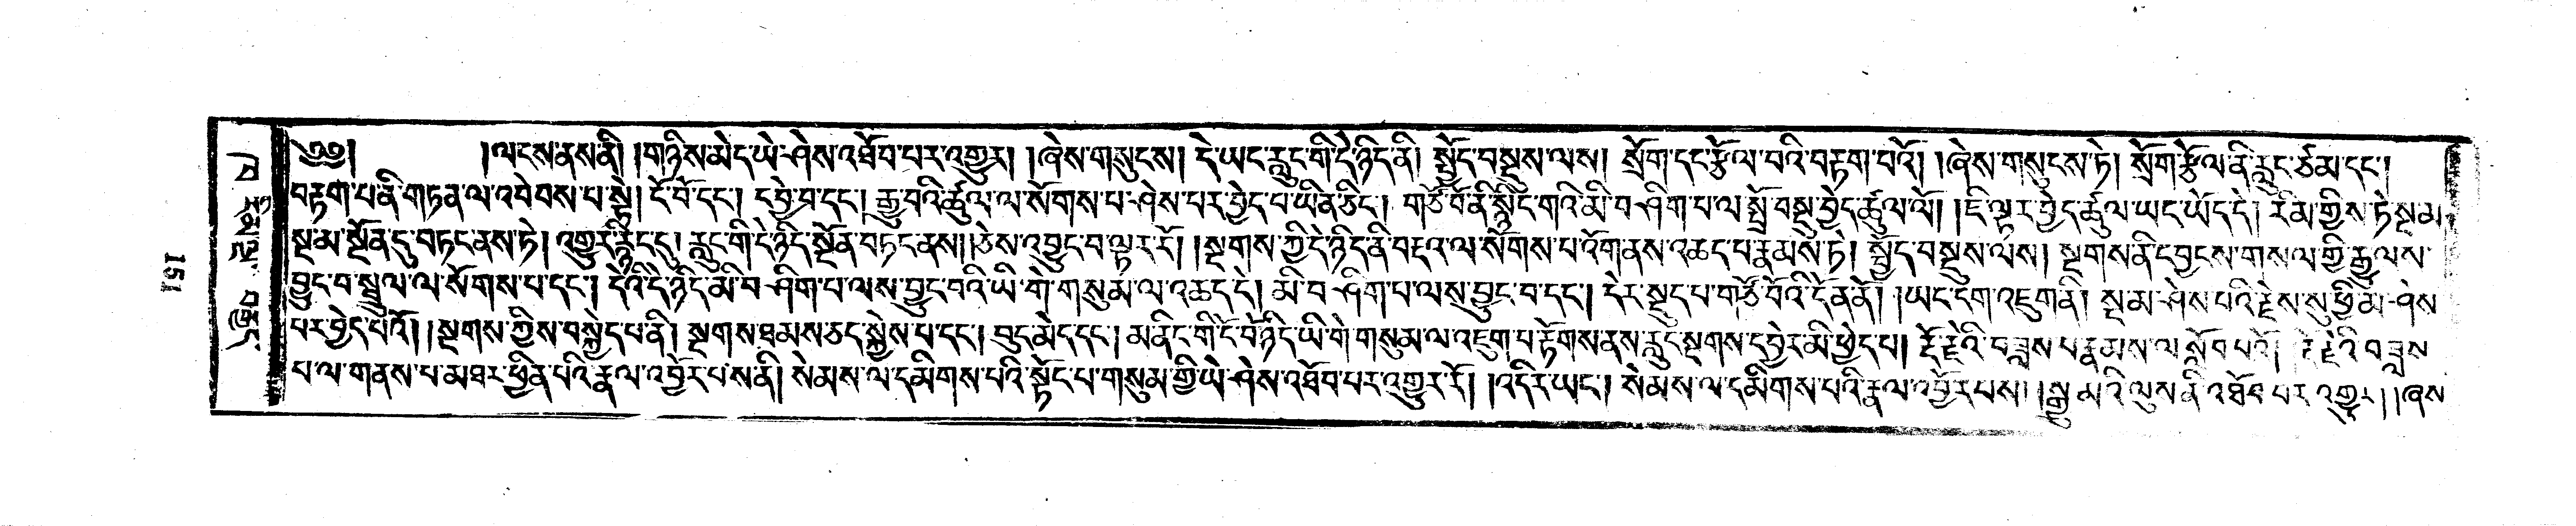༄༅། །ལངས་ནས་ནི། །གཉིས་མེད་ཡེ་ཤེས་འཐོབ་པར་འགྱུར། །ཞེས་གསུངས། དེ་ཡང་རླུང་གི་དེ་ཉིད་ནི། སྤྱོད་བསྡུས་ལས། སྲོག་དང་རྩོལ་བའི་བརྟག་པའོ། །ཞེས་གསུངས་ཏེ། སྲོག་རྩོལ་ནི་རླུང་ཙམ་དང་།
བརྟག་པ་ནི་གཏན་ལ་འབེབས་པ་སྟེ། ངོ་བོ་དང་། དབྱེ་བ་དང་། རྒྱུ་བའི་ཚུལ་ལ་སོགས་པ་ཤེས་པར་བྱེད་པ་ཡིན་ཅིང་། གཙོ་བོ་ནི་སྙིང་གའི་མི་བཤིག་པ་ལ་སྤྲོ་བསྡུ་བྱེད་ཚུལ་ལོ། །ཇི་ལྟར་བྱེད་ཚུལ་ཡང་ཡོད་དེ། རིམ་གྱིས་ཏེ་སྔ་མ་
སྔ་མ་སྔོན་དུ་བཏང་ནས་ཏེ། འགྱུར་རྙིང་དུ། རླུང་གི་དེ་ཉིད་སྔོན་བཏང་ནས། །ཅེས་འབྱུང་བ་ལྟར་རོ། །སྔགས་ཀྱི་དེ་ཉིད་ནི་བརྡའ་ལ་སོགས་པ་འོག་ནས་འཆད་པ་རྣམས་ཏེ། སྤྱོད་བསྡུས་ལས། སྔགས་ནི་དབྱངས་གསལ་གྱི་རྒྱུ་ལས་
བྱུང་བ་སྦྲུལ་ལ་སོགས་པ་དང་། དེའི་དེ་ཉིད་མི་བཤིག་པ་ལས་བྱུང་བའི་ཡི་གེ་གསུམ་ལ་འཆད་དེ། མི་བཤིག་པ་ལས་བྱུང་བ་དང་། དེར་སྡུད་པ་གཙོ་བོའི་དོན་ནོ། །ཡང་དག་འཇུག་ནི། སྔ་མ་ཤེས་པའི་རྗེས་སུ་ཕྱི་མ་ཤེས་
པར་བྱེད་པའོ། །སྔགས་ཀྱིས་བསྐྱེད་པ་ནི། སྔགས་ཐམས་ཅད་སྐྱེས་པ་དང་། བུད་མེད་དང་། མ་ནིང་གི་ངོ་བོ་ཉིད་ཡི་གེ་གསུམ་ལ་འཇུག་པ་རྟོགས་ནས་རླུང་སྔགས་དབྱེར་མི་ཕྱེད་པ། རྡོ་རྗེའི་བཟླས་པ་རྣམས་ལ་སློབ་པའོ། །རྡོ་རྗེའི་བཟླས་
པ་ལ་གནས་པ་མཐར་ཕྱིན་པའི་རྣལ་འབྱོར་བས་ནི། སེམས་ལ་དམིགས་པའི་སྟོང་པ་གསུམ་གྱི་ཡེ་ཤེས་འཐོབ་པར་འགྱུར་རོ། །འདིར་ཡང་། སེམས་ལ་དམིགས་པའི་རྣལ་འབྱོར་པས། །སྒྱུ་མའི་ལུས་ནི་འཐོབ་པར་འགྱུར། །ཞེས་